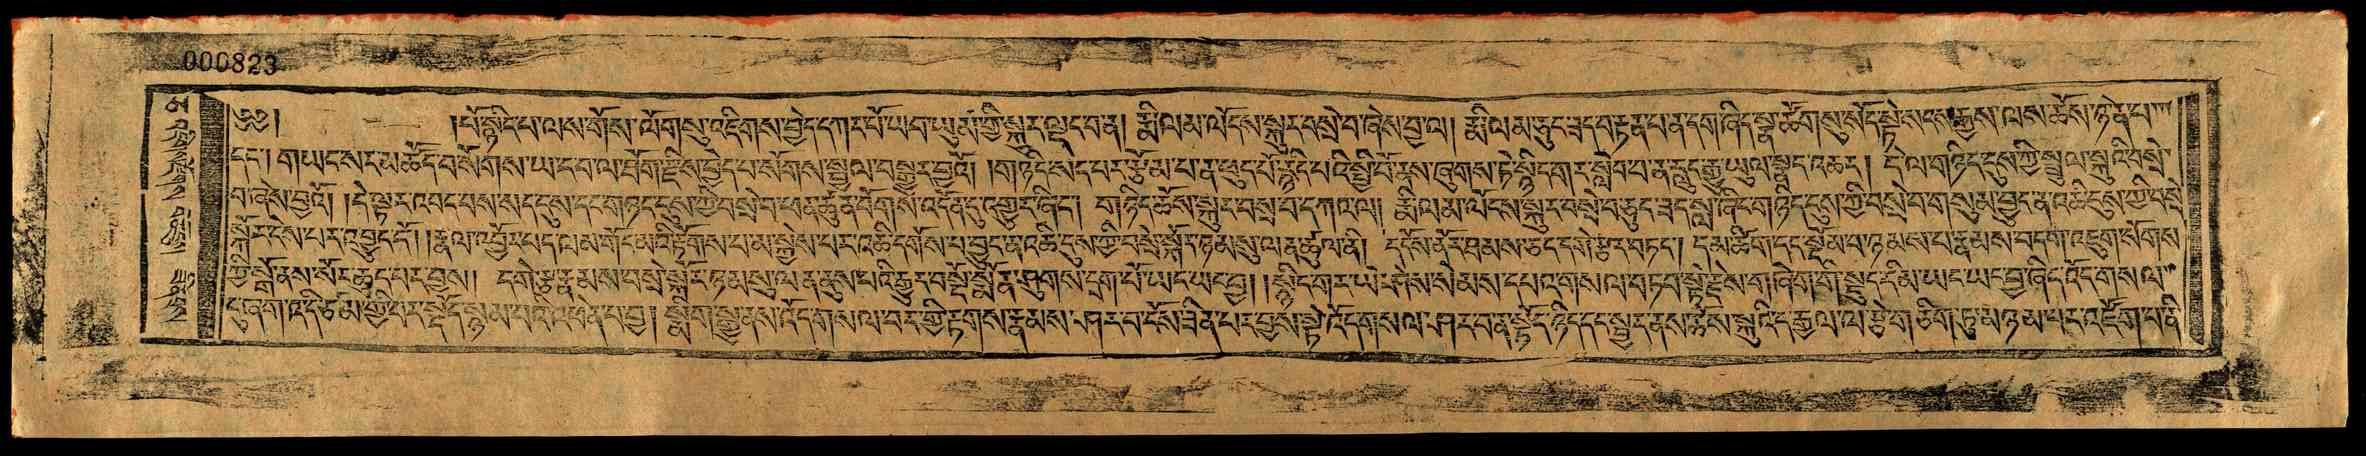༄༅། །པོ་རྙིང་པ་ལས་གོ་ས་ལོགས་སུ་འཇིགས་བྱེད་དཀར་པོ་ཡབ་ཡུམ་གྱི་སྐུར་ལྡང་བ་ན། རྨི་ལམ་ལོངས་སྐུར་བསྲེ་བ་ཞེས་བྱ་ལ། རྨི་ལམ་ཅུང་ཟད་བརྟན་པ་ན་དག་ཞིང་སྣ་ཚོགས་སུ་སོང་སྟེ་སངས་རྒྱས་ལས་ཆོས་ཉན་པ་
དང༑ གཡང་སར་མཆོད་བ་སོགས་ཡང་བ་ལ་ཐོག་རྫིས་བྱེད་པ་སོགས་སྤྲུལ་བསྒྱུར་བྱའོ། །གཉིད་སད་པར་རྩོམ་པ་ན་ཕུང་པོ་རྙིང་པའི་སྤྱི་བོ་ནས་ཞུགས་ཏེ་སྙིང་གར་སླེབ་པ་ན་རླུང་རྒྱུ་ཡུལ་སྣང་འཆར། དེ་ལ་གཉིད་དུས་ཀྱི་སྤྲུལ་སྐུའི་བསྲེ་
བ་ཞེས་བྱའོ། །དེ་ལྟར་འབད་པས་སད་དུས་དང་གཉིད་དུས་ཀྱི་བསྲེ་བ་ཕན་ཚུན་བོགས་འདོན་དུ་འགྱུར་ཞིང་། གཉིད་ཆོས་སྐུར་བསྲེ་བ་དཀའ་ལ། རྨི་ལམ་ལོངས་སྐུར་བསྲེ་བ་ཅུང་ཟད་སླ་ཞིང་གཉིད་དུས་ཀྱི་བསྲེ་བ་གསུམ་བྱུང་ན་འཆི་དུས་ཀྱི་བསྲེ་
སྐོར་ངེས་པར་འབྱུང་ངོ། །རྣལ་འབྱོར་པ་དེ་ལམ་གོང་མའི་རྟོགས་པ་མ་སྐྱེས་པར་འཆི་དགོས་པ་བྱུང་ན་འཆི་དུས་ཀྱི་བསྲེ་སྐོར་ཉམས་སུ་ལེན་ཚུལ་ནི། དངོས་ནོར་ཐམས་ཅད་དགེ་རྩར་བཏང་། དམ་ཚིག་དང་སྡོམ་པ་ཉམས་པ་རྣམས་བདག་འཇུག་སོགས་
ཀྱི་སྒོ་ནས་སོར་ཆུད་པར་བྱས། དགེ་རྩ་རྣམས་བསྲེ་སྐོར་ཉམས་སུ་ལེན་ནུས་པའི་རྒྱུར་བསྔོ་སྨོན་ཤུགས་དྲག་པོ་ཡང་ཡང་བྱ། སྙིང་གར་ཡེ་ཤེས་སེམས་དཔའ་གསལ་བཏབ་སྟེ་རྗེས་གཞིག་གི་སྡུད་རིམ་ཡང་ཡང་བྱ་ཞིང་འོད་གསལ་
དུ་ཞག་འདི་ཙམ་གྱི་བར་སྡོད་སྙམ་པའི་འཕེན་པ་བྱ། སྨིག་སྒྱུ་ནས་འོད་གསལ་བར་གྱི་རྟགས་རྣམས་ཤར་བ་ངོས་ཟིན་པར་བྱས་སྟེ་འོད་གསལ་ཤར་བ་ན་སྟོང་ཉིད་དུ་སྦྱར་ནས་ཆོས་སྐུའི་ང་རྒྱལ་ལ་རྩེ་གཅིག་ཏུ་མཉམ་པར་འཇོག་པ་ནི་